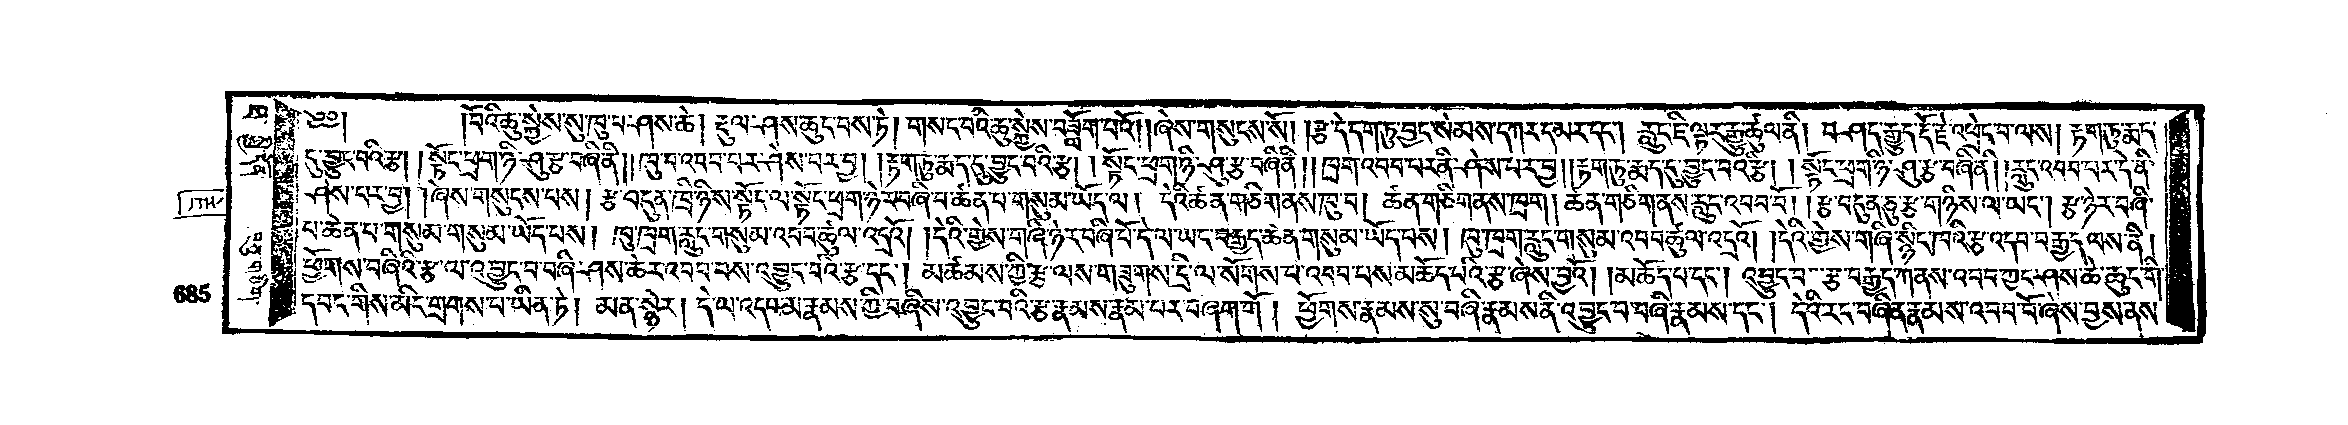༄༅། །བོའི་ཆུ་སྐྱེས་སུ་ཁུ་བ་ཤས་ཆེ། རྡུལ་ཤས་ཆུང་བས་ཏེ། གསང་བའི་ཆུ་སྐྱེས་བཟློག་པའོ། །ཞེས་གསུངས་སོ། །རྩ་དེ་དག་ཏུ་བྱང་སེམས་དཀར་དམར་དང་། རླུང་ཇི་ལྟར་རྒྱུ་ཚུལ་ནི། བཤད་རྒྱུད་རྡོ་རྗེ་འཕྲེང་བ་ལས། རྟག་ཏུ་རྨད་
དུ་བྱུང་བའི་རྩ། །སྟོང་ཕྲག་ཉི་ཤུ་རྩ་བཞི་ནི། །ཁུ་བ་འབབ་པར་ཤེས་པར་བྱ། །རྟག་ཏུ་རྨད་དུ་བྱུང་བའི་རྩ། །སྟོང་ཕྲག་ཉི་ཤུ་རྩ་བཞི་ནི། །ཁྲག་འབབ་པར་ནི་ཤེས་པར་བྱ། །རྟག་ཏུ་རྨད་དུ་བྱུང་བའི་རྩ། །སྟོང་ཕྲག་ཉི་ཤུ་རྩ་བཞི་ནི། །རླུང་འབབ་པར་དེ་ནི་
ཤེས་པར་བྱ། །ཞེས་གསུངས་པས། རྩ་བདུན་ཁྲི་ཉིས་སྟོང་ལ་སྟོང་ཕྲག་ཉེར་བཞི་པ་ཚན་པ་གསུམ་ཡོད་ལ། དེའི་ཚན་གཅིག་ནས་ཁུ་བ། ཚན་གཅིག་ནས་ཁྲག། ཚན་གཅིག་ནས་རླུང་འབབ་བོ། །རྩ་བདུན་ཅུ་རྩ་གཉིས་ལ་ཡང་། རྩ་ཉེར་བཞི་
པ་ཆེན་པ་གསུམ་གསུམ་ཡོད་པས། ཁུ་ཁྲག་རླུང་གསུམ་འབབ་ཚུལ་འདྲའོ། །དེའི་གྱེས་གཞི་ཉེར་བཞི་པོ་དེ་ལ་ཡང་བརྒྱད་ཆེན་གསུམ་ཡོད་པས། ཁུ་ཁྲག་རླུང་གསུམ་འབབ་ཚུལ་འདྲའོ། །དེའི་གྱེས་གཞི་སྙིང་ཁའི་རྩ་འདབ་བརྒྱད་ལས་ནི།
ཕྱོགས་བཞིའི་རྩ་ལ་འབྱུང་བ་བཞི་ཤས་ཆེར་འབབ་པས་འབྱུང་བའི་རྩ་དང་། མཚམས་ཀྱི་རྩ་ལས་གཟུགས་དྲི་ལ་སོགས་པ་འབབ་པས་མཆོད་པའི་རྩ་ཞེས་བྱའོ། །མཆོད་པ་དང་། འབྱུང་བ་རྩ་བརྒྱད་ཀ་ནས་འབབ་ཀྱང་ཤས་ཆེ་ཆུང་གི་
དབང་གིས་མིང་གྲགས་པ་ཡིན་ཏེ། མན་སྙེར། དེ་ལ་འདབ་མ་རྣམས་ཀྱི་བཞིས་འབྱུང་བའི་རྩ་རྣམས་རྣམ་པར་བཞག་གོ། ཕྱོགས་རྣམས་སུ་བཞི་རྣམས་ནི་འབྱུང་བ་བཞི་རྣམས་དང་། དེའི་རང་བཞིན་རྣམས་འབབ་བོ་ཞེས་བྱས་ནས་